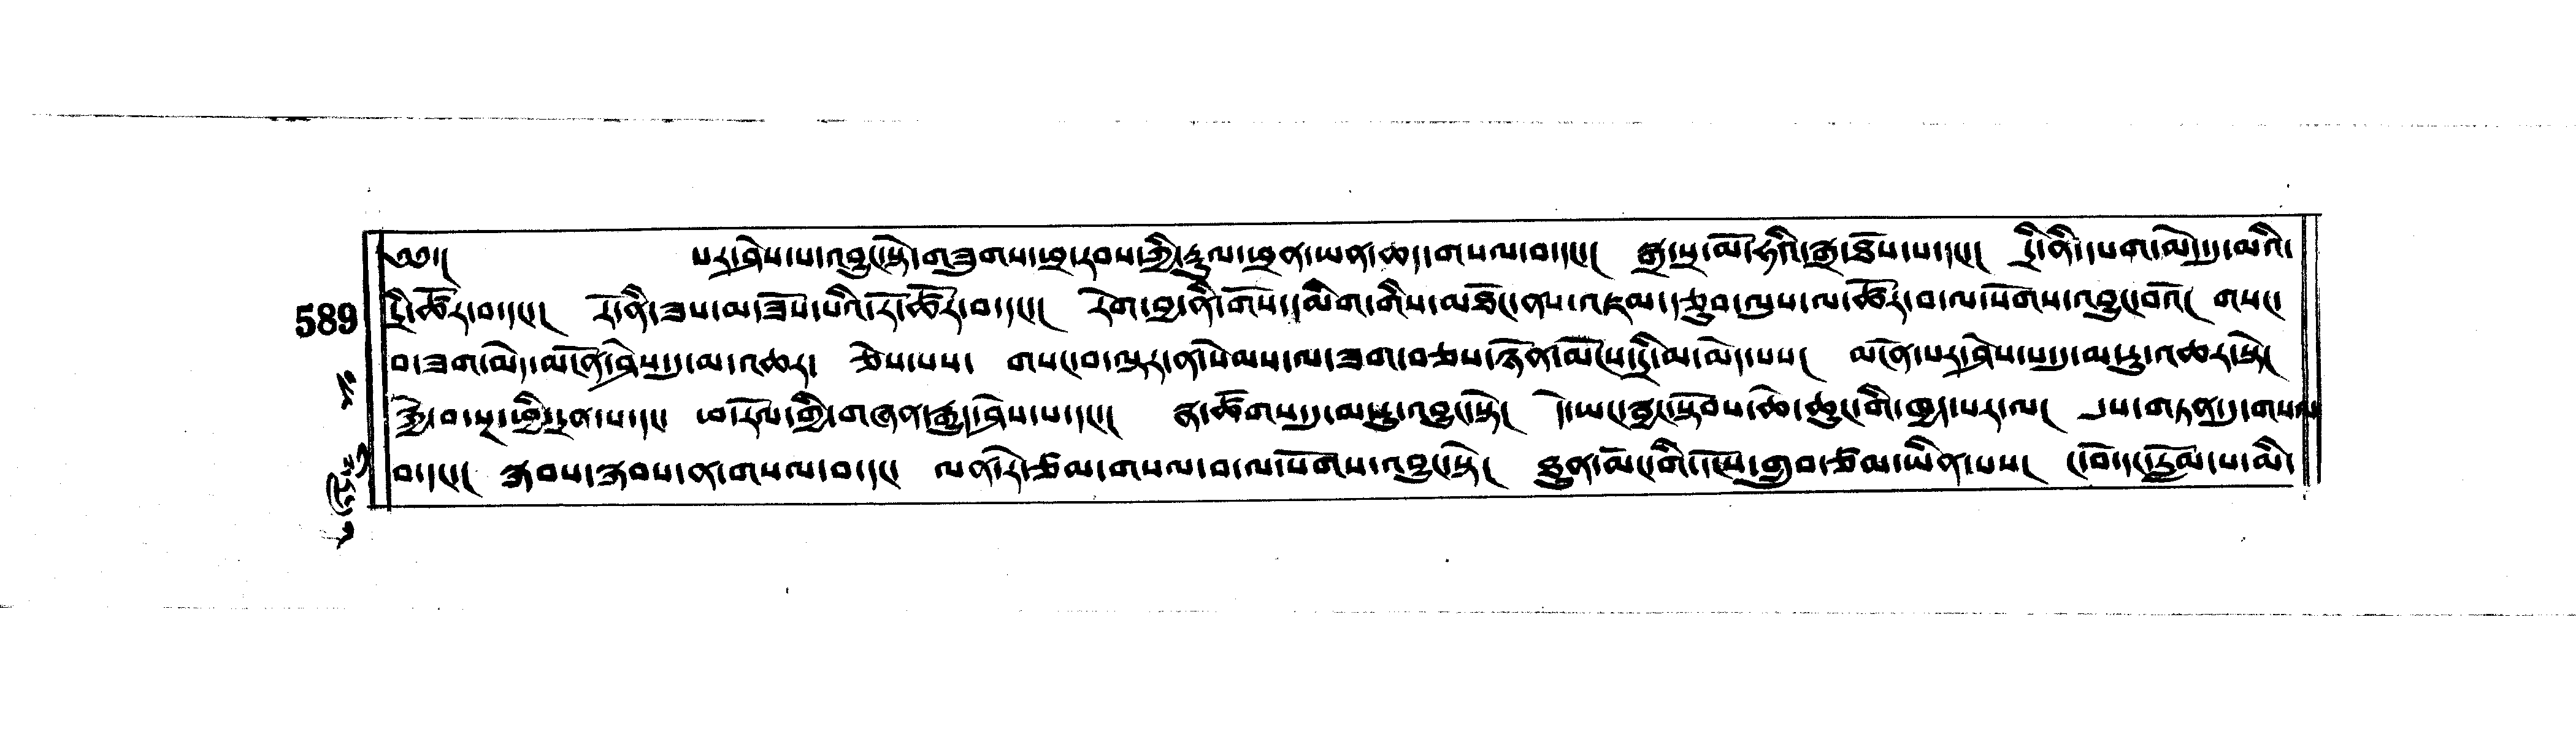པར་ཤེས་པ་འབྱུང་སྟེ། གཟུགས་ཕྲ་རབ་ཀྱི་རྡུལ་ཕྲན་ཡན་ཆད་གསལ་བ་དང་། སྒྲ་པྲ་མོ་ཧའི་སྒྲ་ཐོས་པ་དང་། དྲི་ནི་དཔག་མེད་དུ་མའི་
དྲི་ཚོར་བ་དང་། རེག་བྱ་ནི་གོས་མིག་གིས་མཐོང་ནས་འཇམ་རྩུབ་ལུས་ལ་ཚོར་བ་ལ་སོགས་འབྱུང་བའོ། གསང་
བ་ཟག་མེད་མངོན་ཤེས་དུ་མ་འཆར། ཅེས་པས། གསང་བ་ལྟར་ན་སེམས་ལ་ཉོན་མོངས་དྲི་མ་མེད་པས། མངོན་པར་ཤེས་པ་དུ་མ་རུ་འཆར་ཏེ། 
སྐྱེ་བ་སྔ་ཕྱི་དྲན་པ་དང་། ཕ་རོལ་གྱི་གཞན་རྒྱུད་ཤེས་པ་དང་། སྣ་ཚོགས་དུ་མ་རུ་འབྱུང་སྟེ། དེ་ཡང་སྦྱང་སྟོབས་ཆེ་ཆུང་གི་ཁྱད་པར་ལ། དུས་གཏན་དུ་གསལ་
བ་དང་། ལན་རེ་ཙམ་གསལ་བ་ལ་སོགས་འབྱུང་སྟེ། ཐུན་མོང་གི་དངོས་གྲུབ་ཙམ་ཡིན་པས། ང་བོ་དང་རློམ་པ་མི་